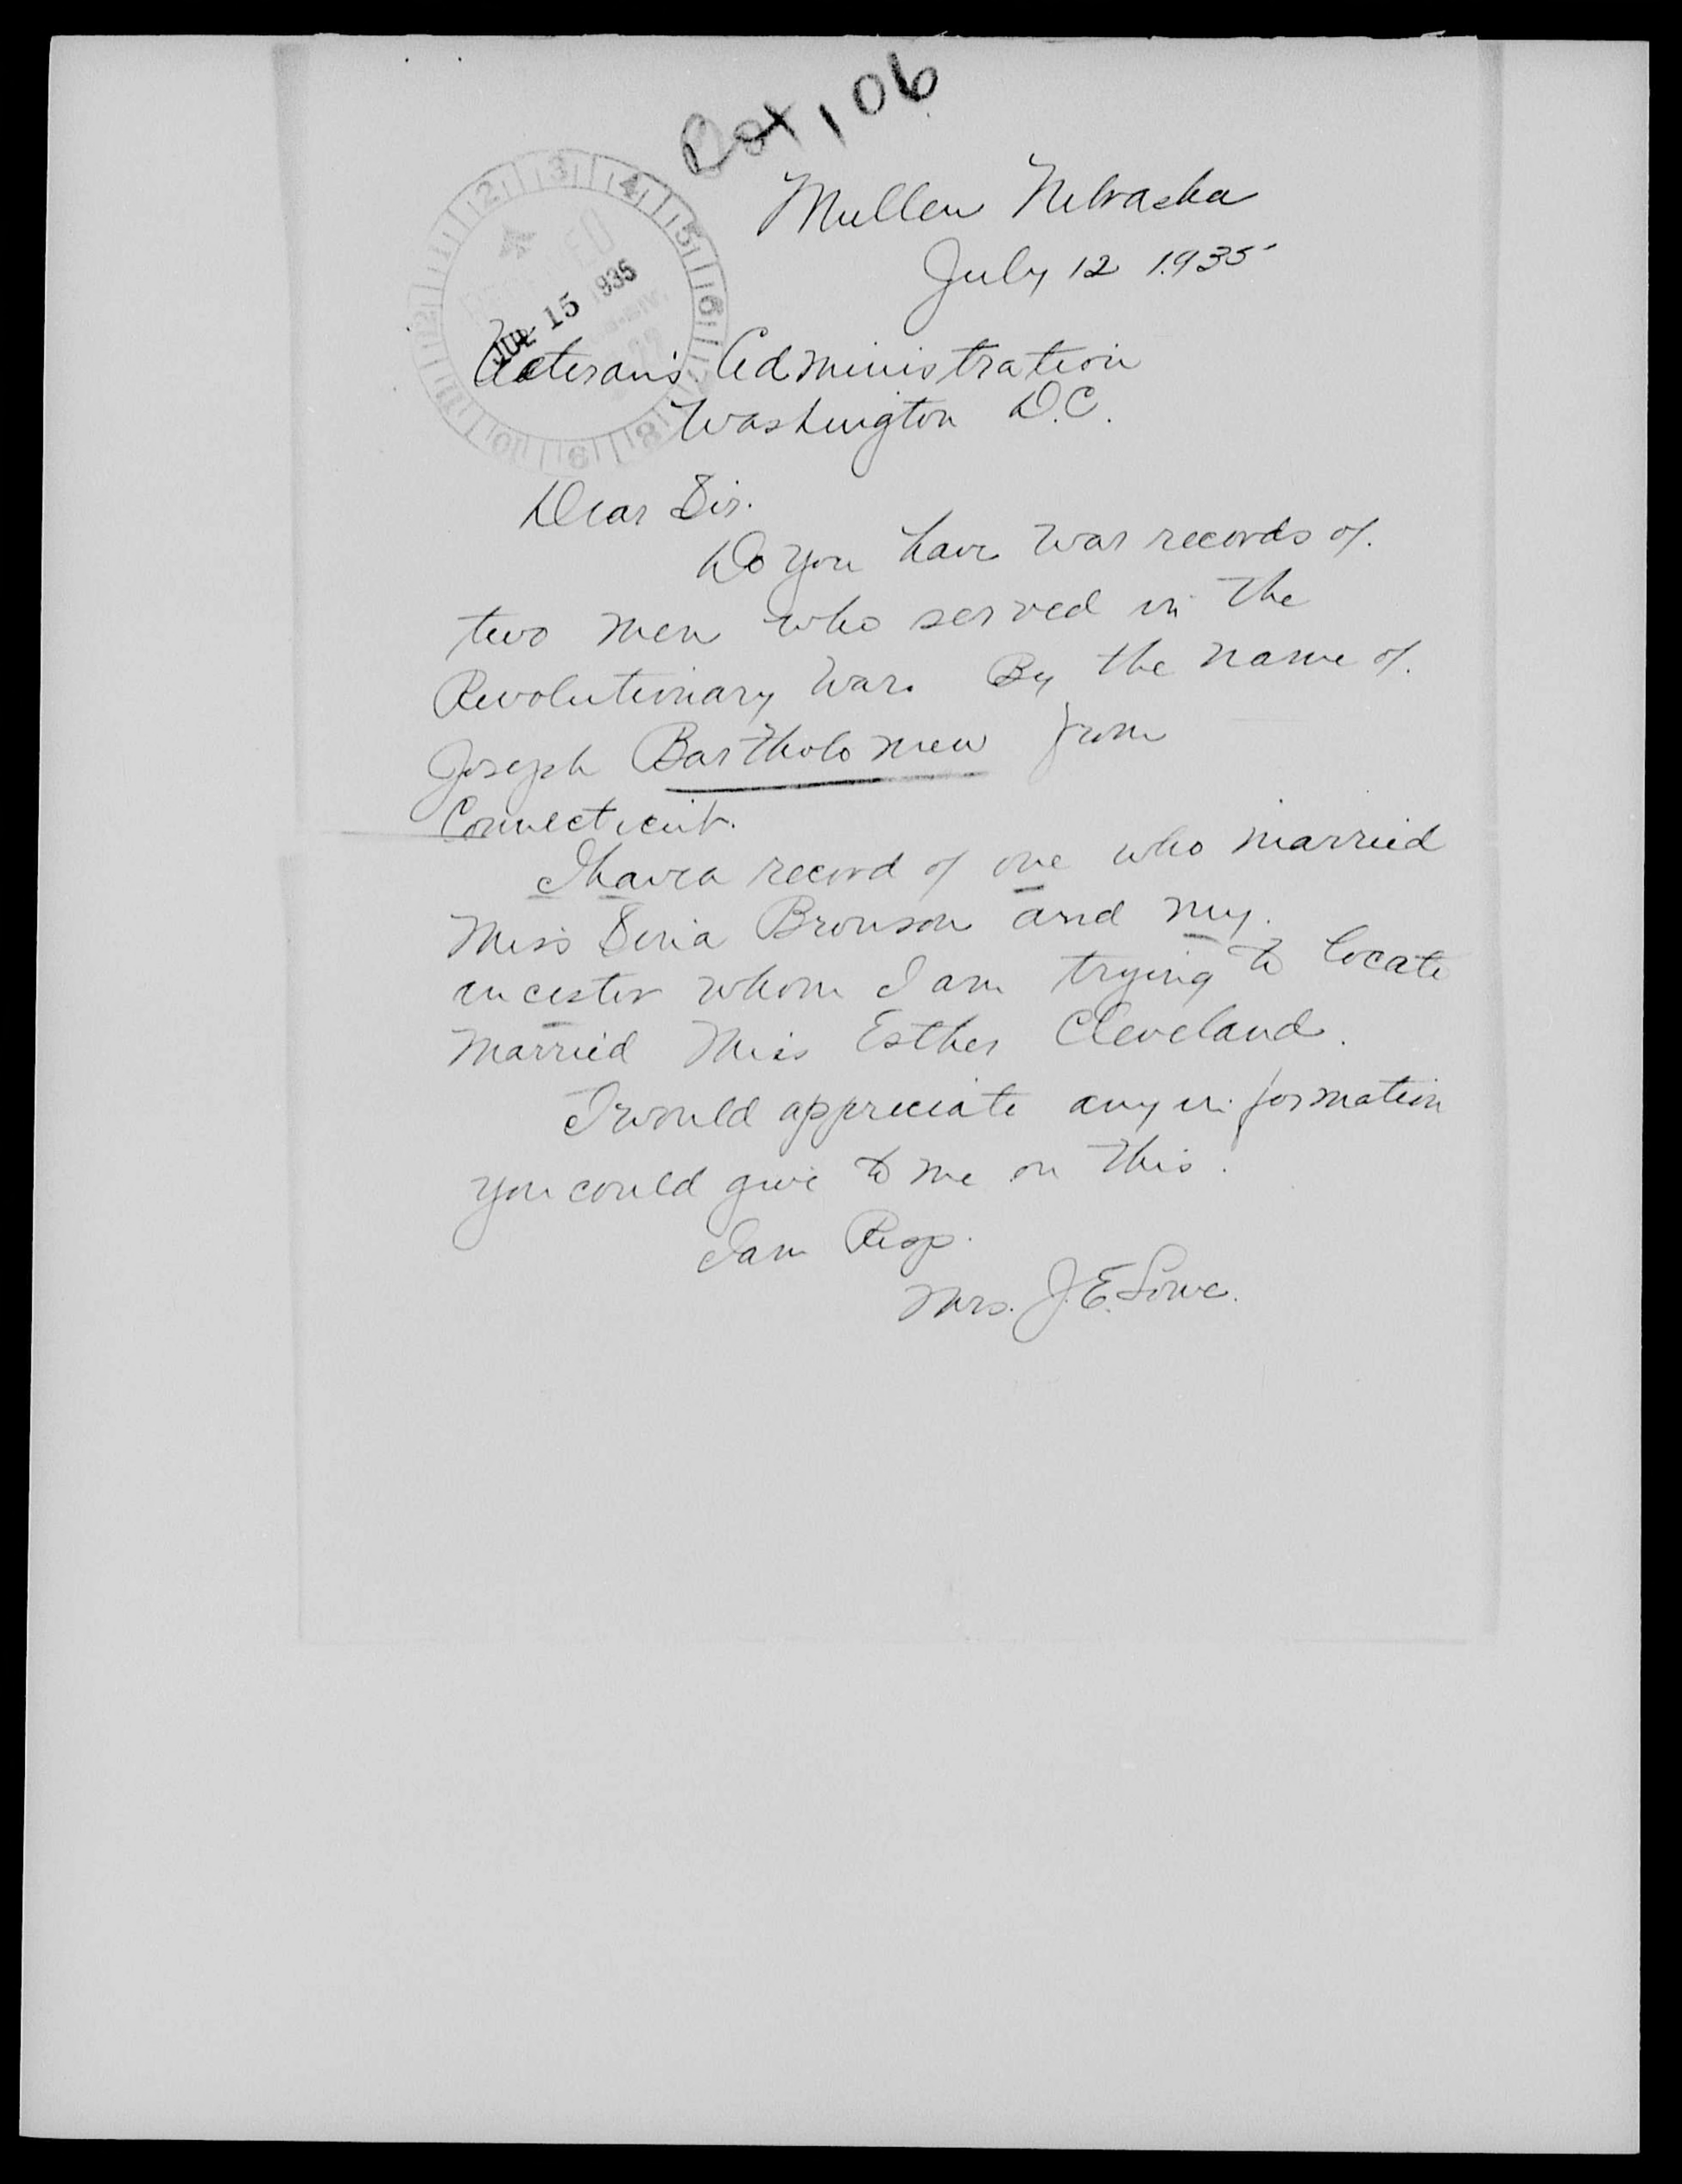L4106
Mullen Nebraska
July 12 1935
Veterans Administration
Washington D. C
Dear Sir
Do you have was records of
two men who served in the
Revolutionary War by the name of
Joseph Bartholomew from Connecticut
I have record of one who married
Miss Sina Bronson and my
ancestor whom I am trying to locate
Married Miss Esther Cleveland
I would appreciate any information
you could give to me on this
I am Resp
Mrs. J. E. Lowe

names: Joseph Bartholomew, Esther Cleveland, Sina Bronson, J E Lowe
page: 67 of 76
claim: widow's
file: W. 9345, Joseph Bartholomew, Conn.